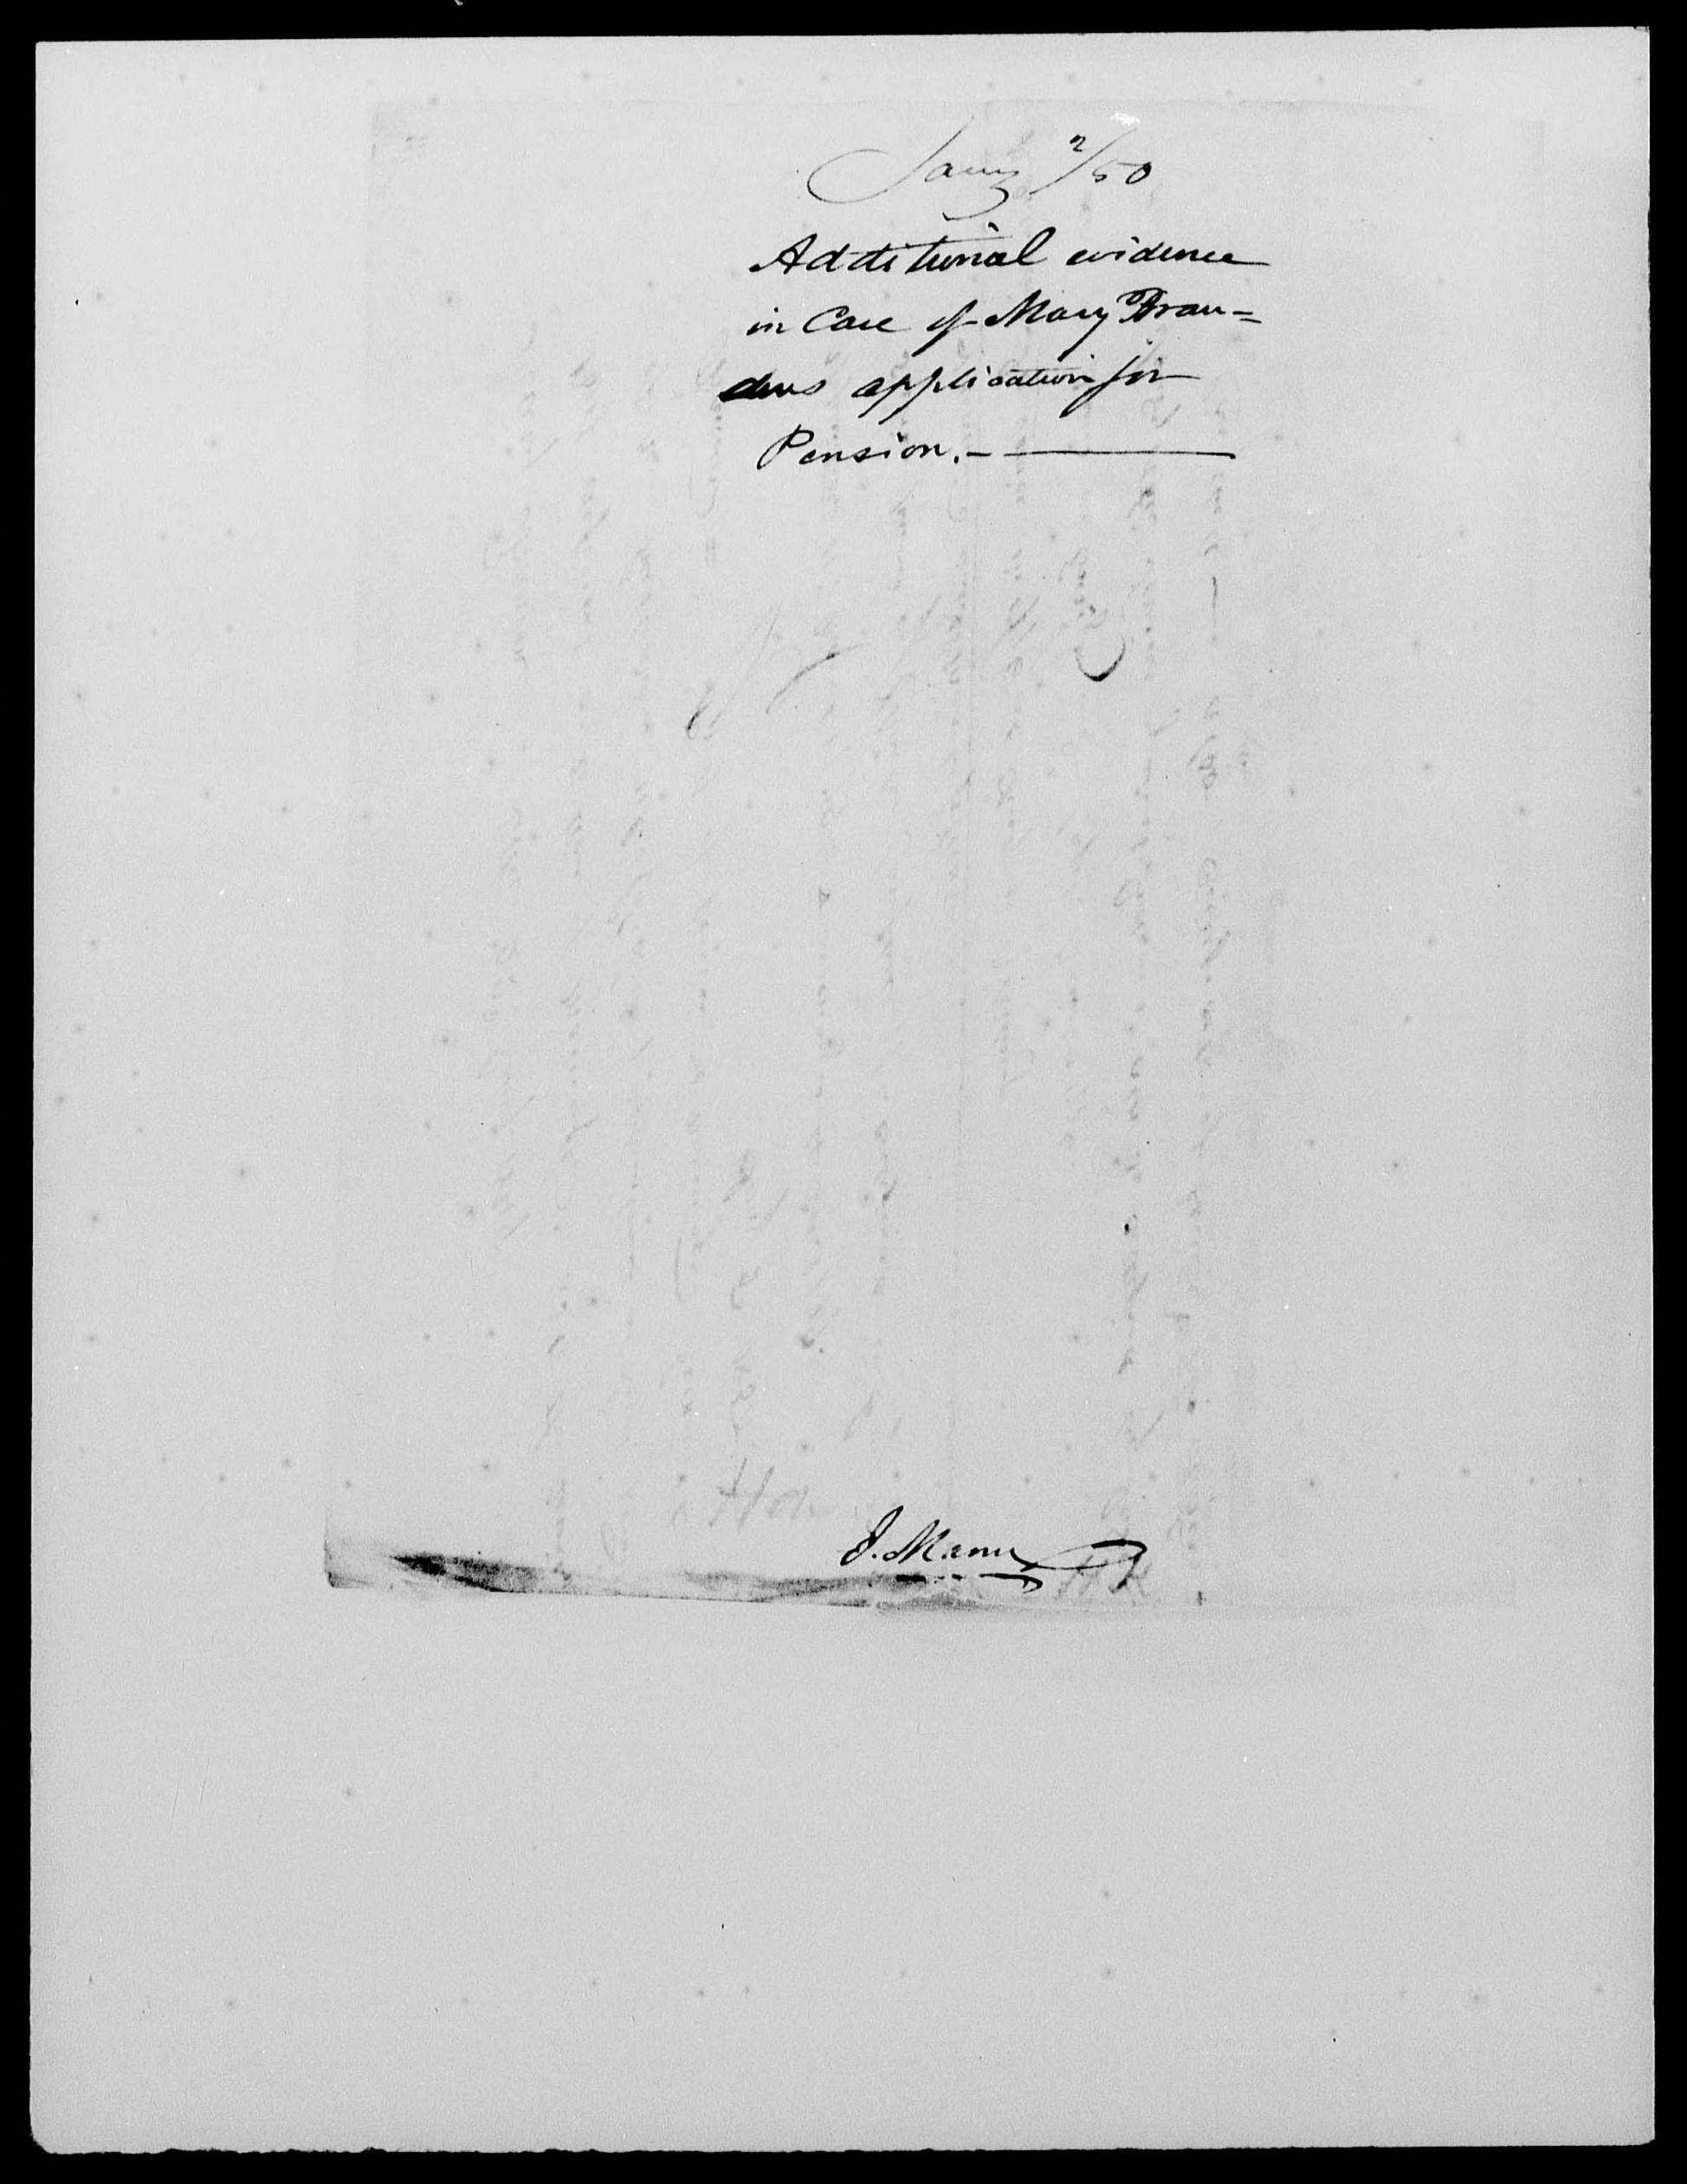Jany 2/50
Additional evidence in Case of Mary Brandons application for pension.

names: Mary Brandon, J Mann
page: 44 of 83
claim: widow's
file: W. 5946, John Brandon, Penn